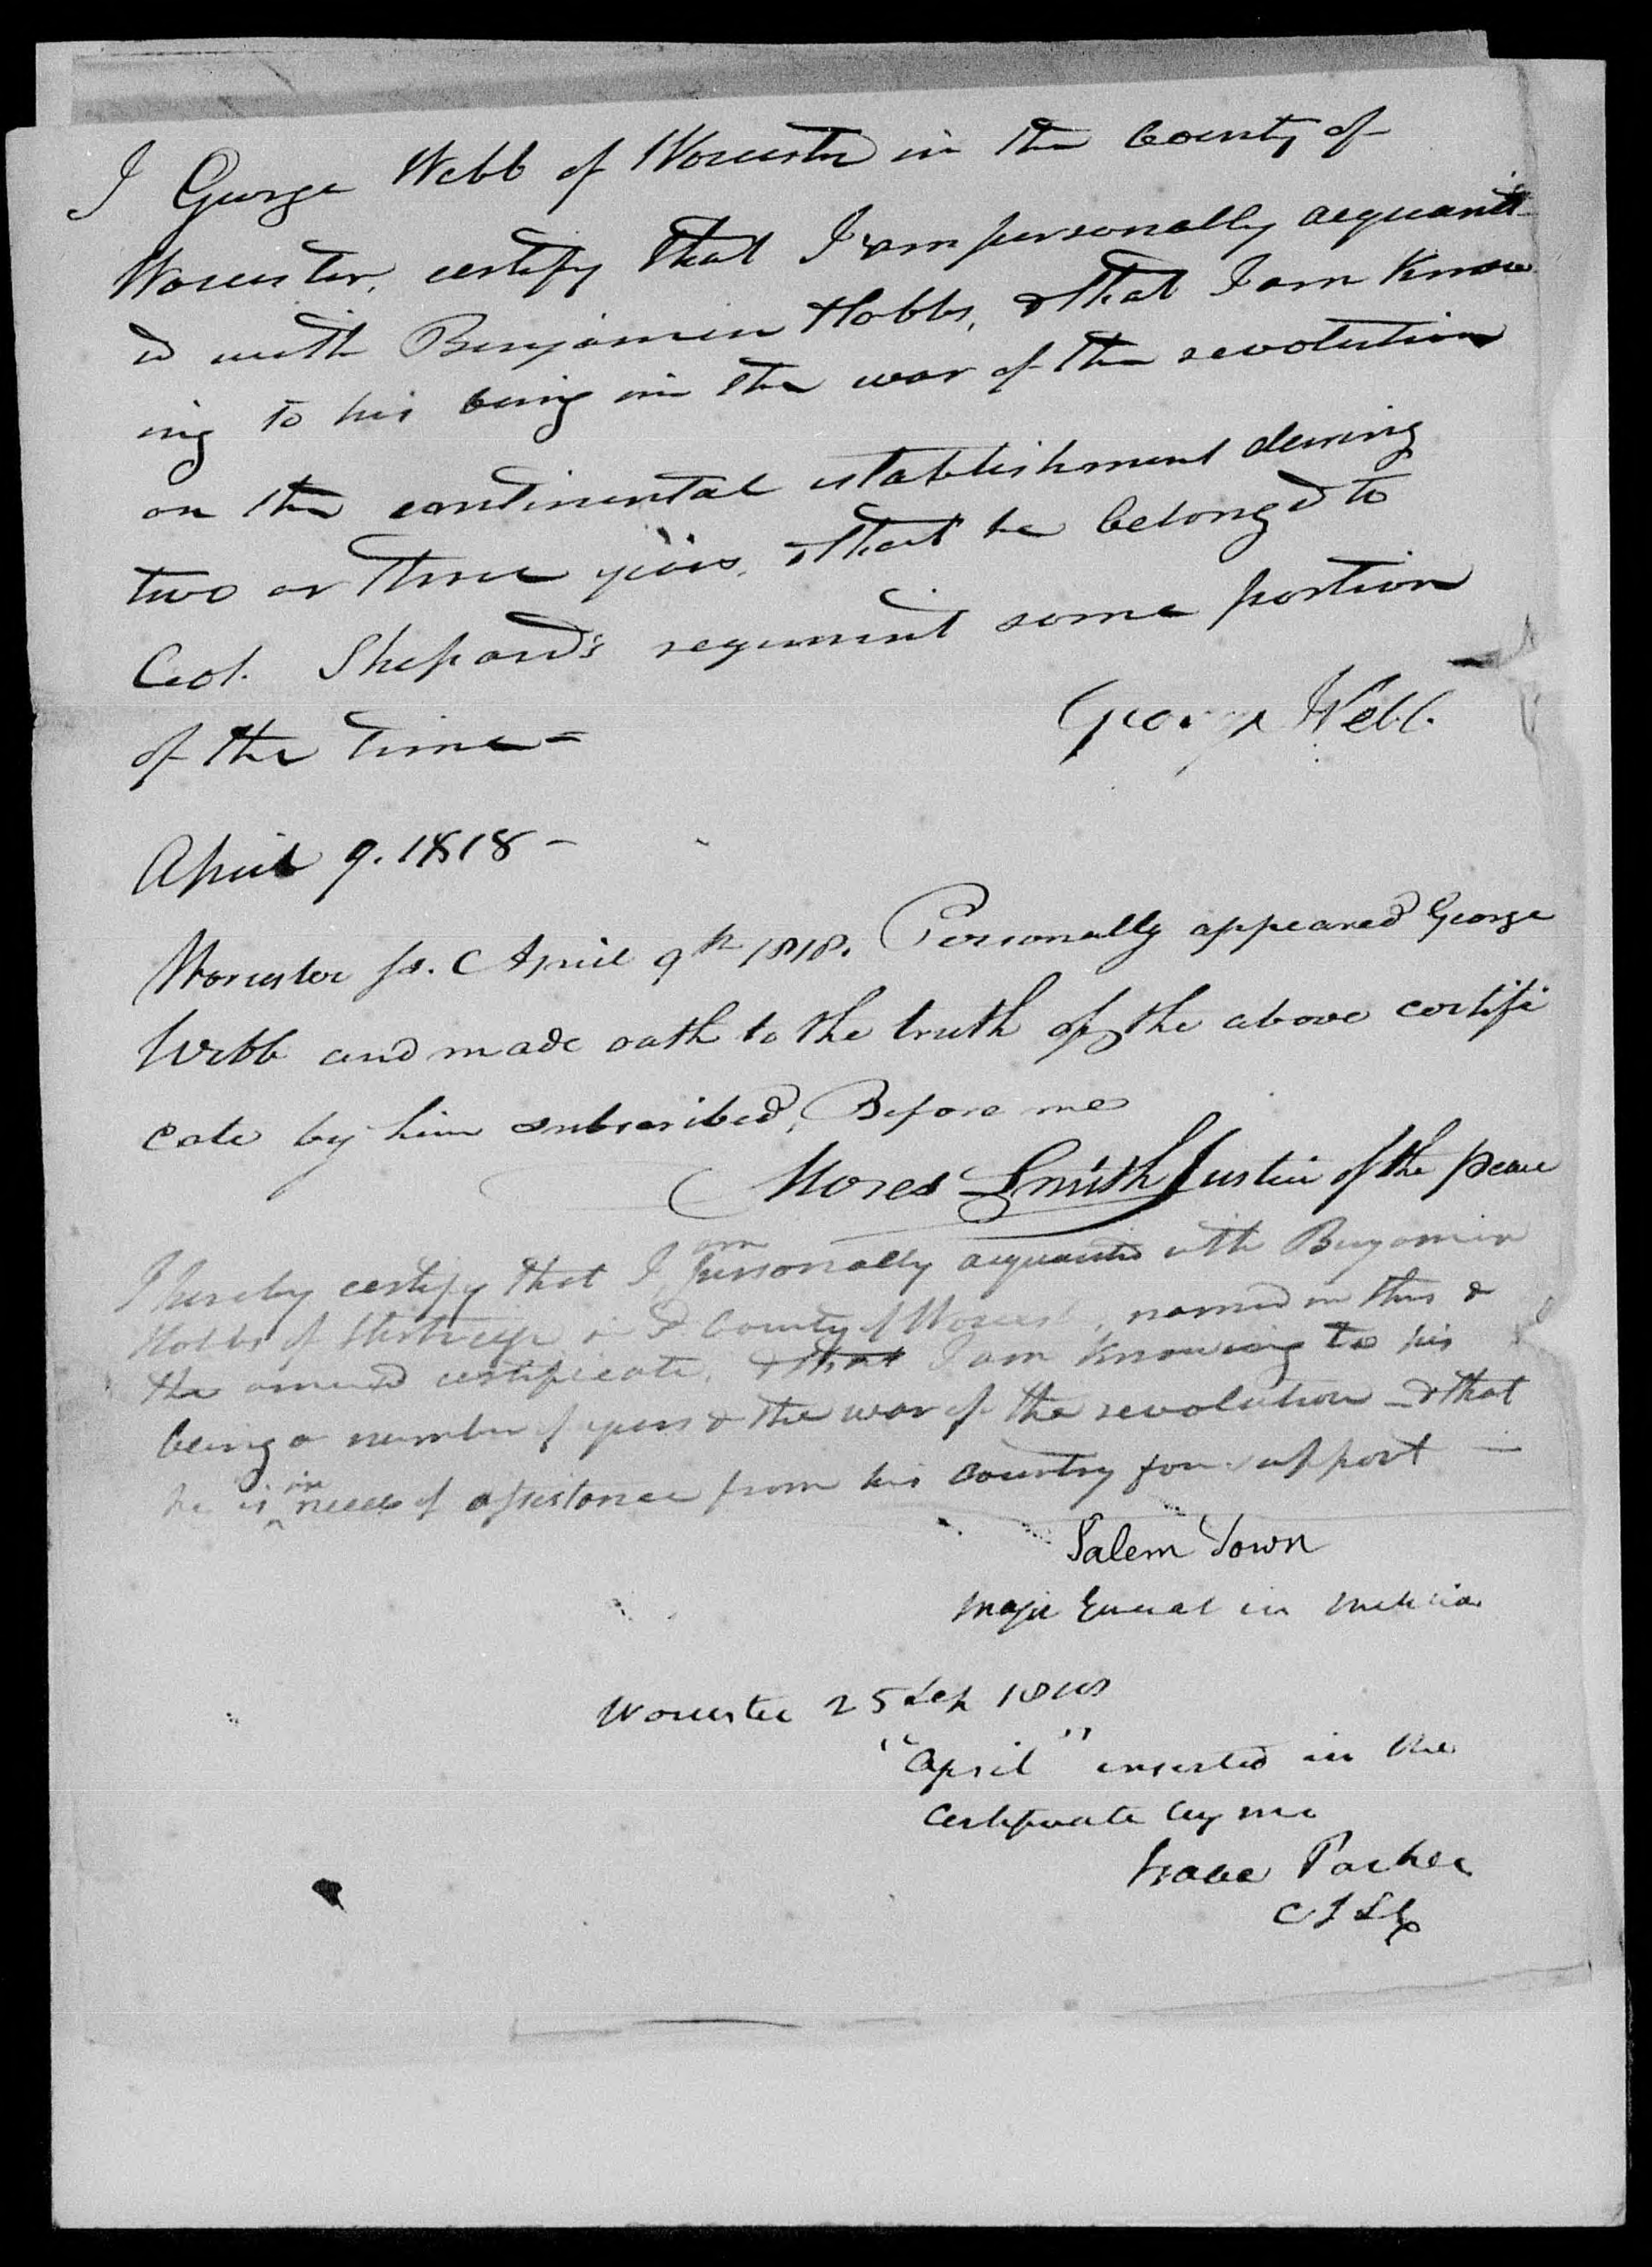I George Webb of Worcester in the County of Worcester certify that I am personally acquainted with Benjamin Hobbs, & that I am knowing to his being in the war of the revolution on the continental establishment during two or three years. That he belonged to Col. Shepards regiment some portion of the time.
George Webb

April 9. 1818 -
Worcester ss. April 9th 1818. Personally appeared George Webb and made oath to the truth of the above certificate by him subscribed, Before me
Moses Smith Justice of the Peace

I hereby certify that I am personally acquainted with Benjamin Hobbs of Sturbridge in the County of Worcester, named in this & the annexed certificate. That I am knowing to his being a number of years & the war of the revolution. That he is in need of assistance from his country for support.
Salem Town
Major [illegible] in Militia

Worcester 25 Sep 1818
"April" inserted in the certificate by me
Gabe Parker 
C J S C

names: Benjamin Hobbs, George Webb, George Webb, George Webb, Benjamin Hobbs, Isaac Parker, Moses Smith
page: 8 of 13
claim: survivor's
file: S. 32,846, Benjamin Hobbs, Continental Mass. & War Of 1812